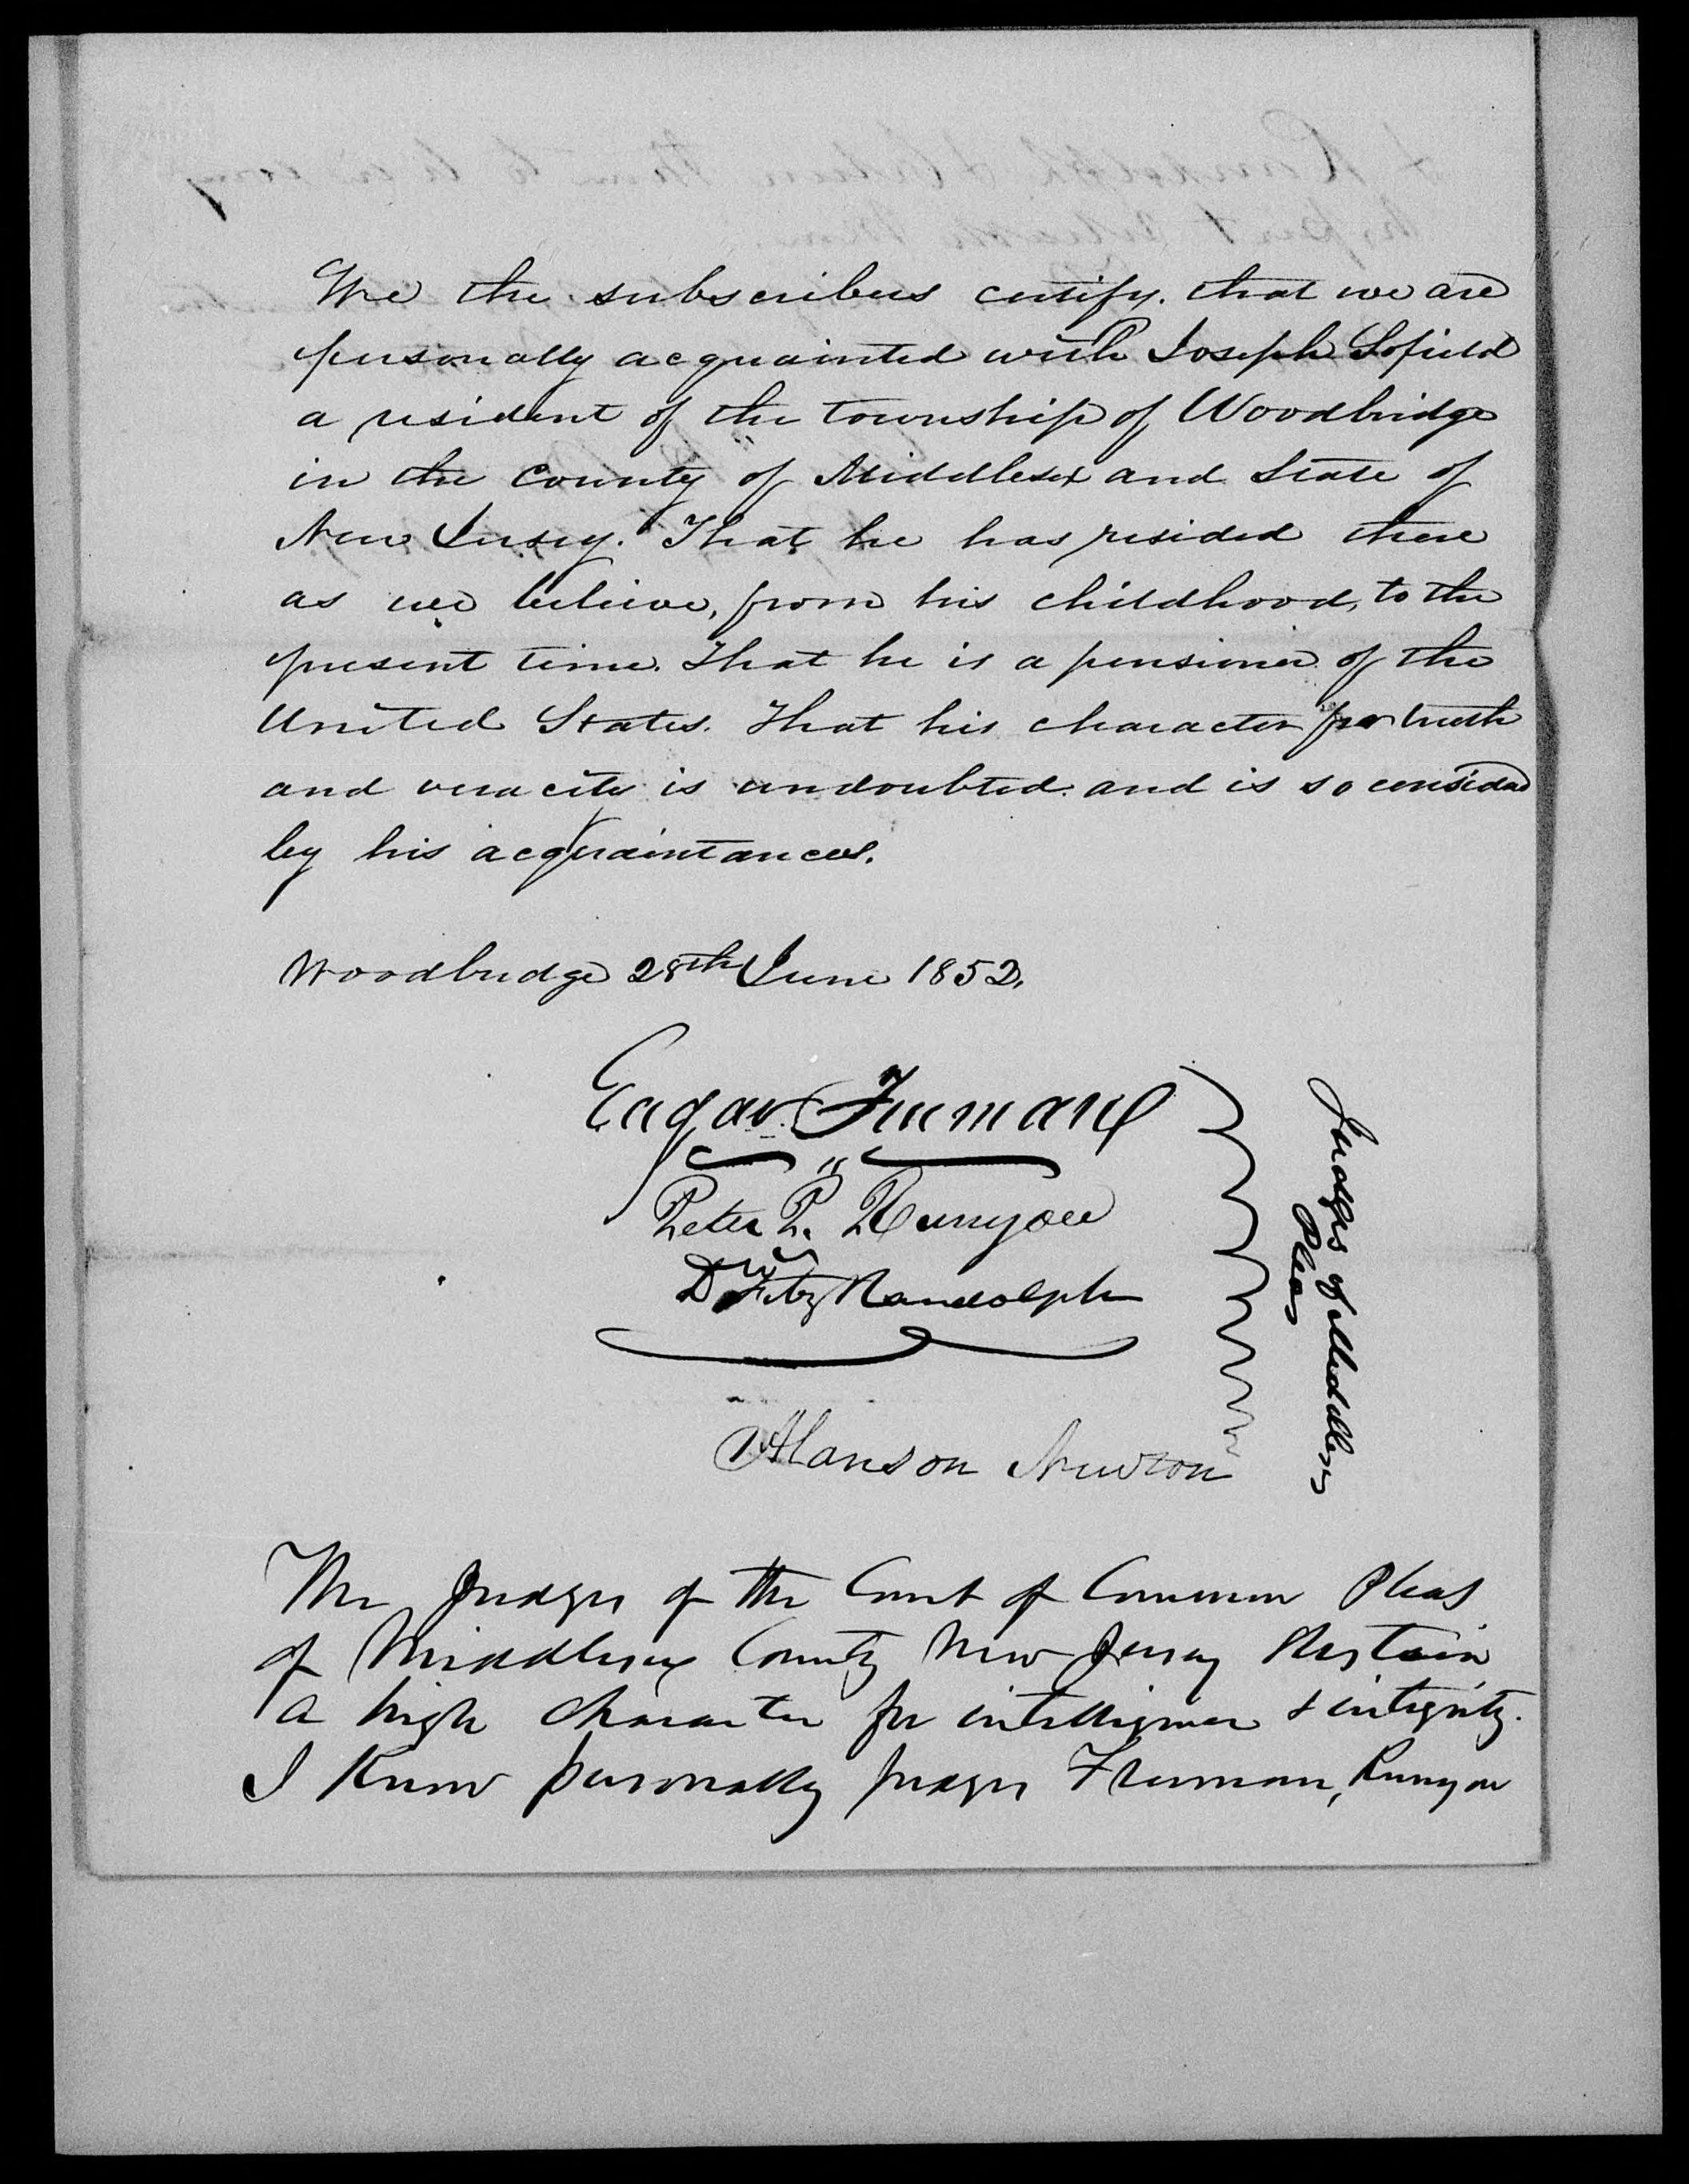We the subscribers certify that we are personally acquainted with Joseph Sofield, a resident of the township of Woodbridge in the County of Middlesex and State of New Jersey. That he has resided there as we believe, from his childhood, to the present time. That he is a pensioner of the United States. That his character for truth and veracity is undoubted and is so considered by his acquaintances.

Woodbridge, 28th June 1852.

Judges of Middlesex Pleas:
s/ Eagar Furman
s/ Peter R. Ranyon
s/ Lewis Fitz Randolph
s/ Alanson Newton

The Judges of the Court of Common Pleas of Middlesex County, New Jersey maintain a high character for intelligence & integrity. I know personally Judges Furman, Ranyon...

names: Edgar Freeman; [BLANK] Runyon; D Fitz Randolph; Peter P Runyon; Alanson Newton; Joseph Sofield; [BLANK] Freeman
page: 66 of 95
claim: survivor's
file: S 2889, for Levi Mundy, New Jersey